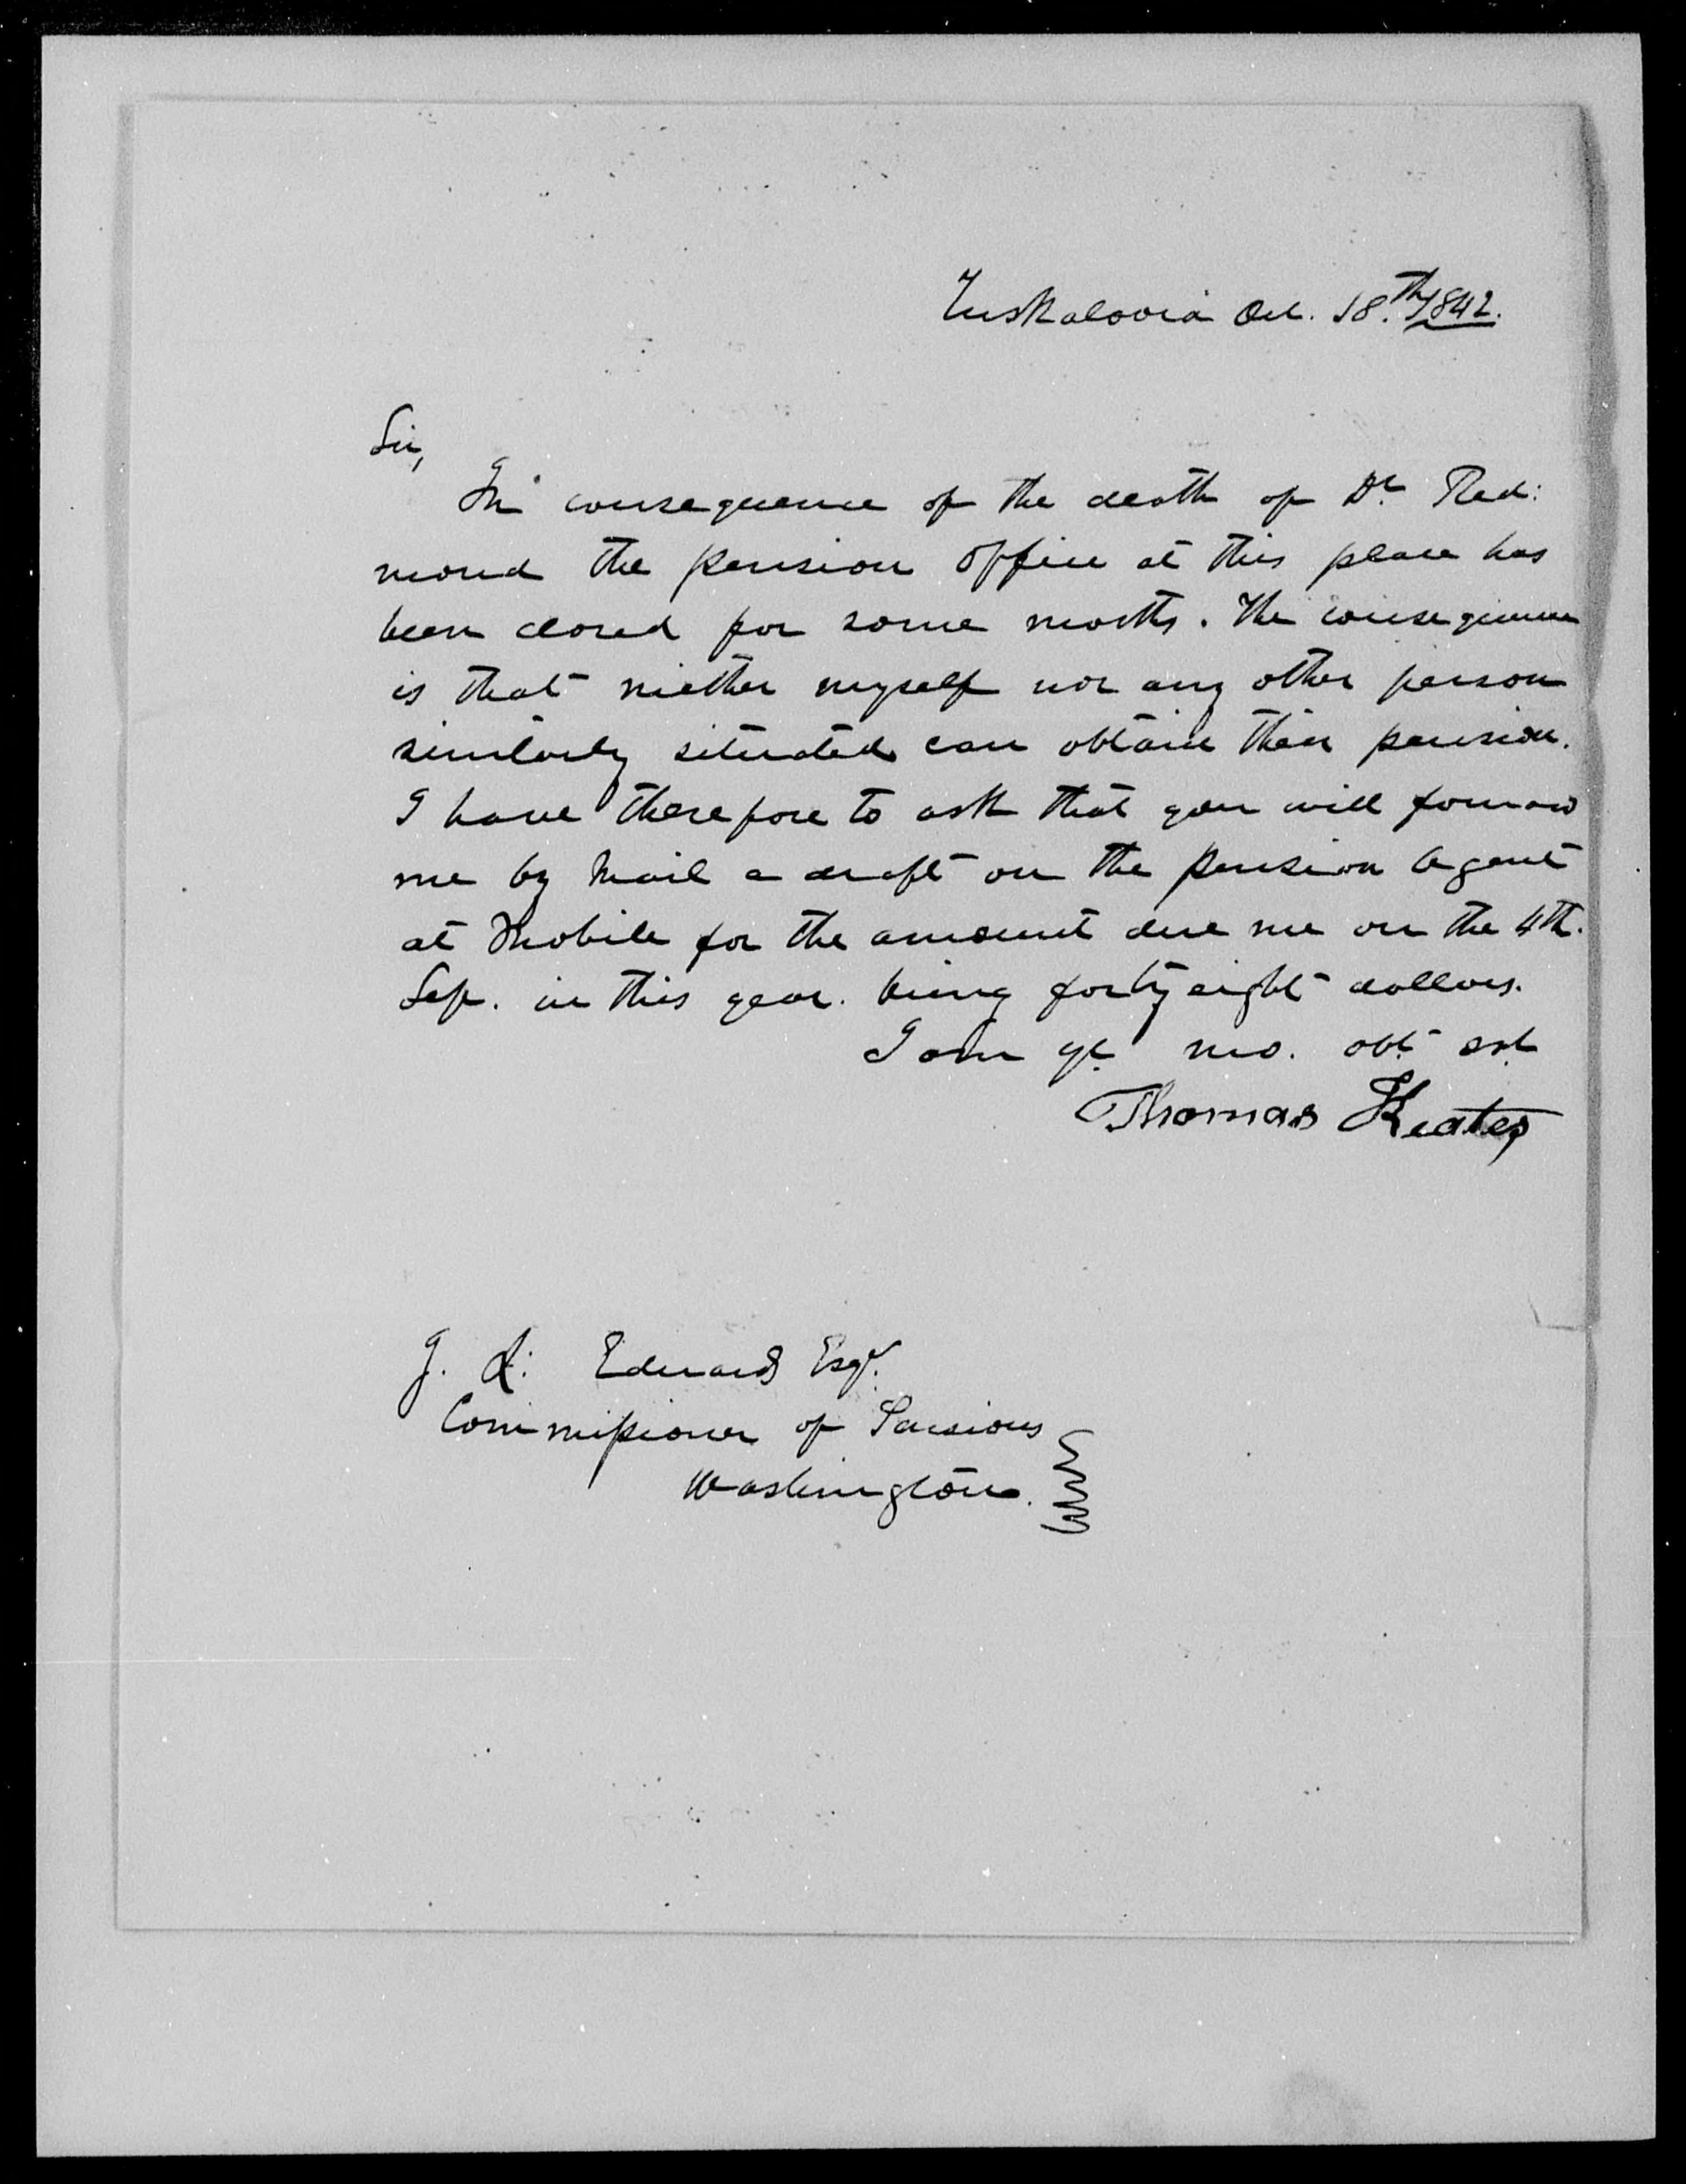Tuskaloosa Oct. 18th 1842.

Sir,
in consequence of the death of Dr Redmond
the pension office at this place has been
closed for some months.  The consequence
is that neither myself nor any other persons
similarly situated can obtain their pension.
I have therefore to ask that you will forward
me by mail a draft on the pension agent
at Mobile for the amount due me on the 4th.
[illegible] in this year bring forty eight dollars.
I am your mo. obt. svt. (most obedient servant)
(signature of Thomas Keates)

J. L. Edward Esq.
Commissioner of Pensions
Washington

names: J L Edwards; Thomas Keates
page: 15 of 25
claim: survivor's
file: S. 38109, for Thomas Keates, Maryland